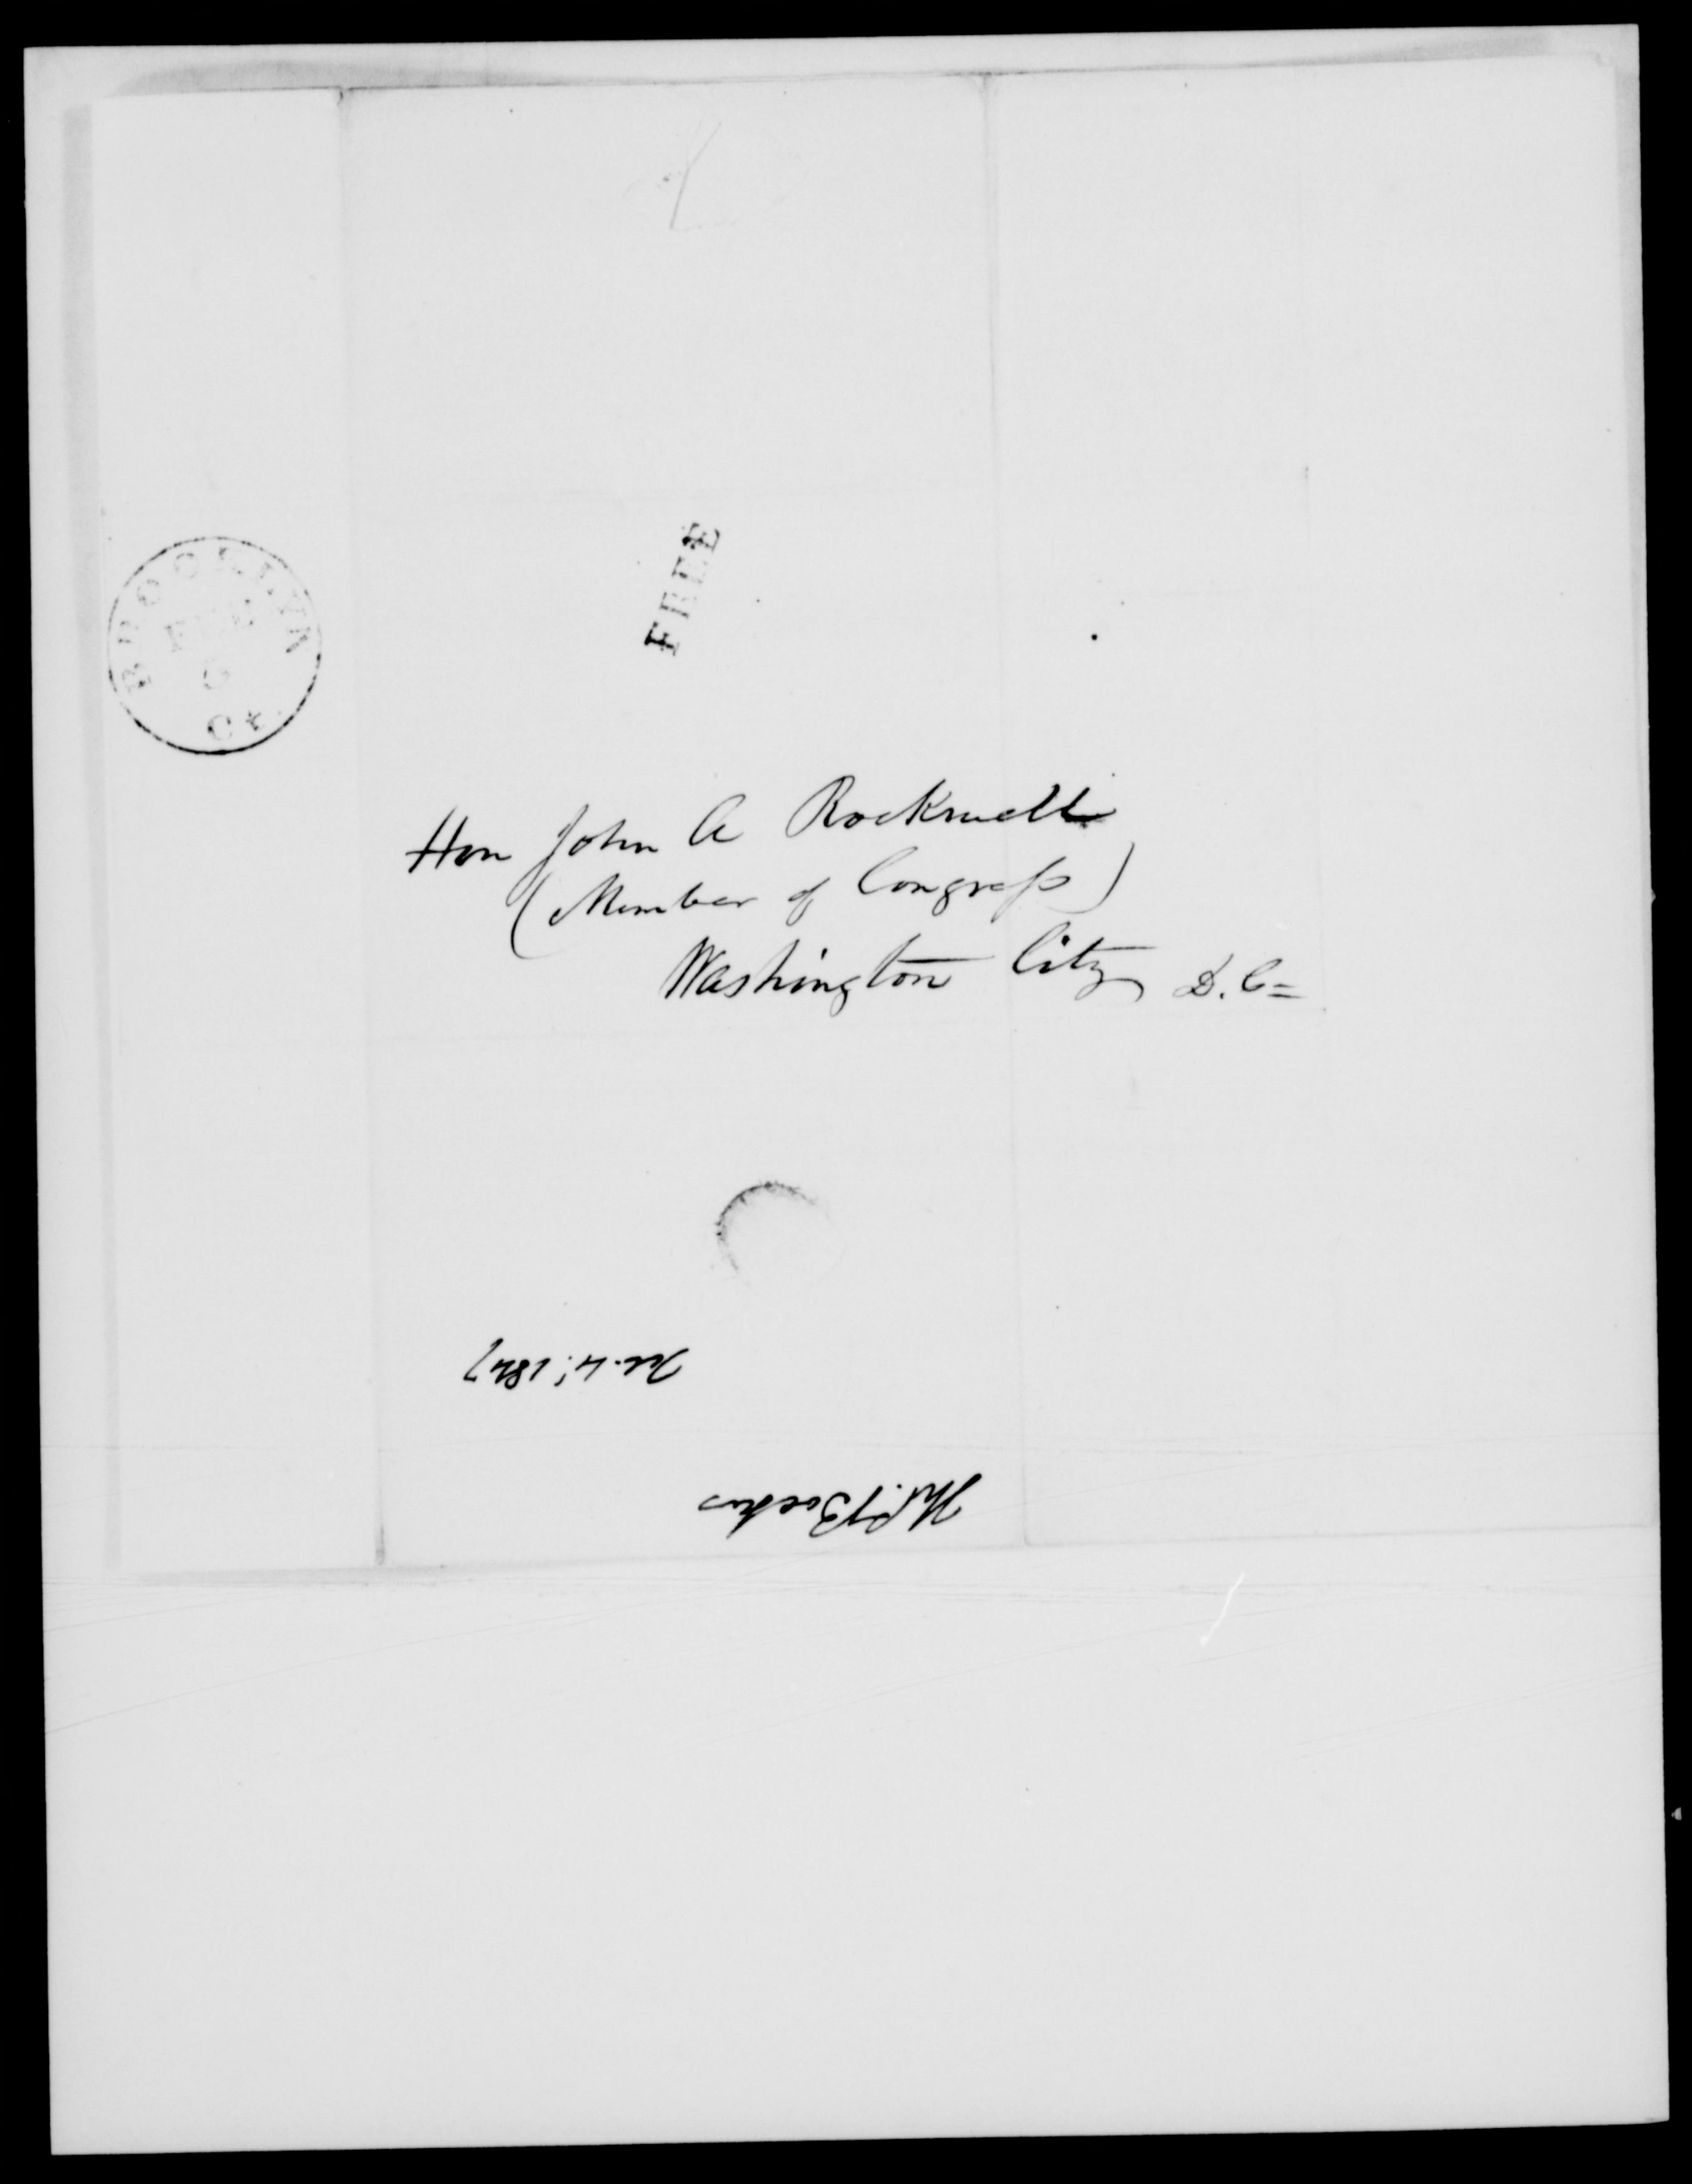Hon John A Rockwell
(Member of Congress)

Washington City D. C.

Th Backus
Feb 4 1847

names: John A Rockwell, Thos Bockes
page: 30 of 53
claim: widow's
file: W 17707, Benjamin Weaver, R.I.